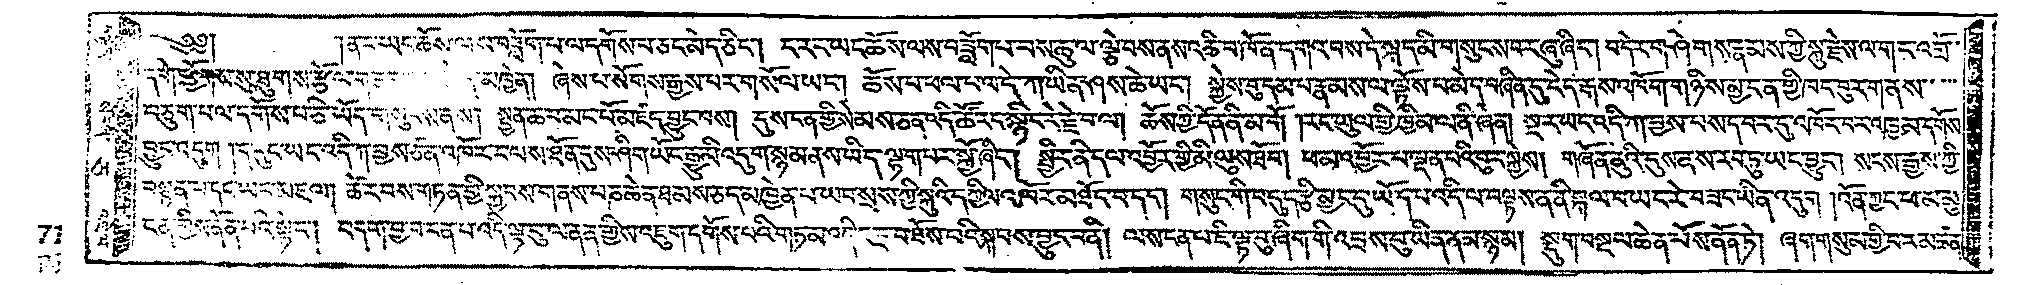༄༅། །ན་ང་ཡང་ཆོས་ལས་བཟློག་པ་ལ་དགོས་པ་ཅང་མེད་ཅིང་། ང་རང་ཡང་ཆོས་ལས་བཟློག་པ་བས་ཆུ་ལ་ལྕེབས་ནས་འཆི་བ་ཁོ་ན་དགའ་བས་དེ་སྐད་མི་གསུངས་བར་ཞུ་ཞིང་། བདེར་གཤེགས་རྣམས་ཀྱི་སྐུ་རྗེས་ལ་གང་འགྲོ་
དགེ་ཕྱོགས་སུ་ཐུགས་རྩོལ་གནང་བ་མཁྱེན་མཁྱེན། ཞེས་པ་སོགས་རྒྱས་པར་གསོལ་ཡང་། ཆོས་པ་ཕལ་པ་ལ་དེ་ཀ་ཡིན་ཤས་ཆེ་ཡང་། སྐྱེས་བུ་དམ་པ་རྣམས་ལ་ལྟོས་པ་མེད་བཞིན་དུ་ངེད་རྒས་འཁོག་གཉིས་མྱ་ངན་གྱི་ཁང་བུར་གནས་
བཅུག་པ་ལ་དགོས་པ་ཅི་ཡོད་གསུངས་ནས། སྤྱན་ཆབ་མང་པོ་མཛད་བྱུང་བས། དུས་ངན་གྱི་སེམས་ཅན་འདི་ཚོ་རང་སྙིང་རེ་རྗེ་བ་ལ། ཆོས་ཀྱི་དོན་ནི་མ་གོ །རང་ཡུལ་གྱི་ཁྱིམ་ལ་ནི་ཞེན། སྔར་ཡང་འདི་ཀ་བྱས་པས་ད་བར་དུ་འཁོར་བར་འཁྱམ་དགོས་
བྱུང་འདུག །ད་དུང་ཡང་འདི་ཀ་བྱས་ཙན་འཁོར་བ་ལས་ཐོན་དུས་ཤིག་ཡོང་རྒྱུ་མི་འདུག་སྙམ་ནས་ཡིད་ལྷག་པར་སྐྱོ་ཞིང་། སྤྱིར་ནི་དལ་འབྱོར་གྱི་མི་ལུས་ཐོབ། ཕ་མ་འབྱོར་པ་ལྡན་པའི་བུར་སྐྱེས། གཞོན་ནུའི་དུས་ནས་རབ་ཏུ་ཡང་བྱུང་། སངས་རྒྱས་ཀྱི་
བསྟན་པ་དང་ཡང་མཇལ། ཚེ་རབས་གཏན་གྱི་སྐྱབས་གནས་པཎ་ཆེན་ཐམས་ཅད་མཁྱེན་པ་ཡབ་སྲས་ཀྱི་སྐུའི་དཀྱིལ་འཁོར་མཐོང་བ་དང་། གསུང་གི་བདུད་རྩི་མྱང་དུ་ཡོད་པ་འདི་ལ་བལྟས་ན་ནི་སྐལ་པ་ཡང་རེ་བཟང་ཡིན་འདུག །འོན་ཀྱང་ཕ་མ་མྱ་
ངན་གྱིས་ནོན་པའི་སྟེང་། བདག་བྱ་བ་ངན་པ་འདི་ལྟ་བུ་ལ་ནན་གྱིས་འཇུག་དགོས་པའི་གཏམ་འདི་འདྲ་བ་ཐོས་པའི་སྐབས་བྱུང་བ་ནི། ལས་ངན་པ་ཇི་ལྟ་བུ་ཞིག་གི་འབྲས་བུ་ཡིན་ནམ་སྙམ། སྡུག་བསྔལ་ཆེན་པོས་ནོན་ཏེ། ཞག་གསུམ་གྱི་བར་མཚན་